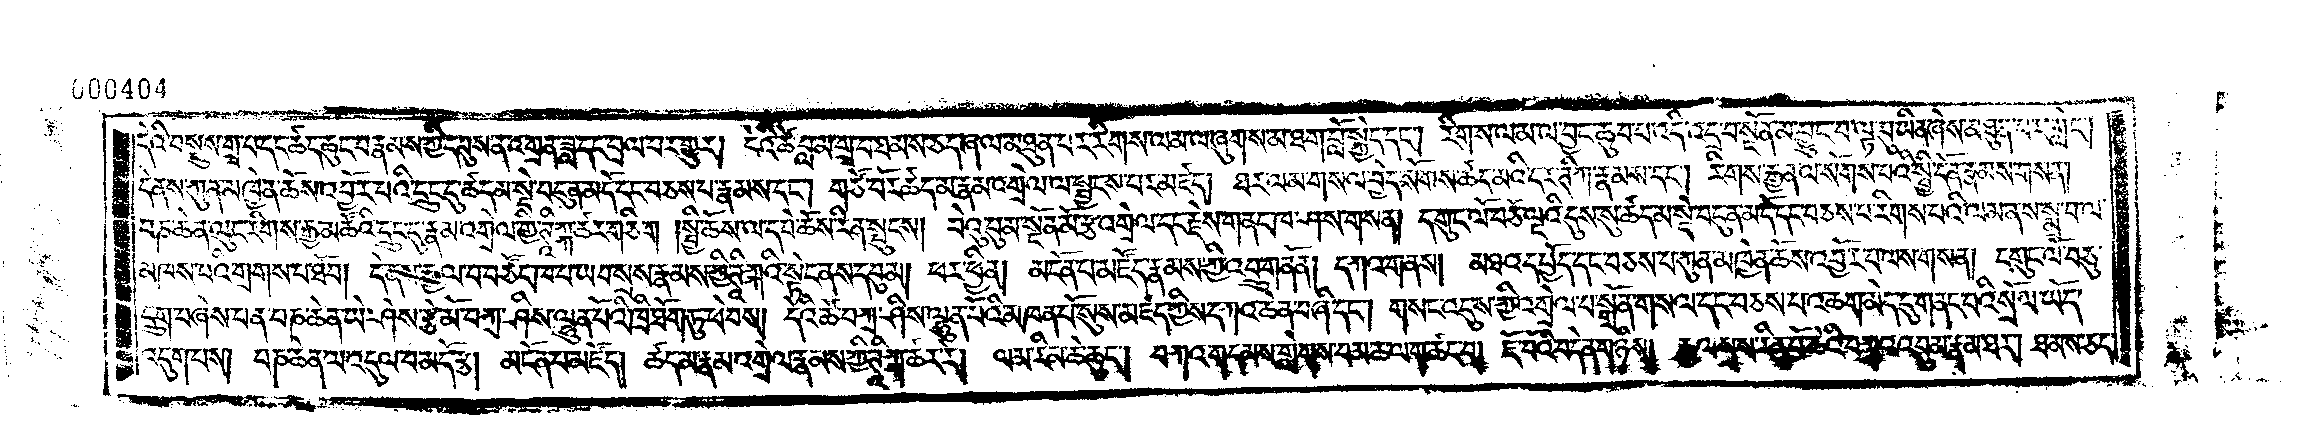དེའི་བསྡུས་གྲྭ་བ་དང་ཚད་ཆུང་བ་རྣམས་ཀྱི་དབུས་ན་འགྲན་ཟླ་དང་བྲལ་བར་གྱུར། དེའི་ཚེ་བླ་མ་གྲྭ་བ་ཐམས་ཅད་ཞལ་མཐུན་པར་རིགས་ལམ་ལ་ཞུགས་མ་ཐག་བློ་སྐྱེད་དང་། རིགས་ལམ་ལ་བྱང་ཆུབ་པ་འདི་འདྲ་བ་སྔོན་མ་བྱུང་བ་ལྟ་བུ་ཡིན་ཞེས་མཐུན་པར་གླེང་།
དེ་ནས་ཀུན་མཁྱེན་ཆོས་འབྱོར་པའི་དྲུང་དུ་ཚད་མ་སྡེ་བདུན་མདོ་དང་བཅས་པ་རྣམས་དང་། གཙོ་བོར་ཚད་མ་རྣམ་འགྲེལ་ལ་སྦྱངས་པར་མཛད། ཐར་ལམ་གསལ་བྱེད་སོགས་ཚད་མའི་དར་ཊིཀ་རྣམས་དང་། རིགས་རྒྱན་ལ་སོགས་པའི་སྤྱི་དོན་རྣམས་གསན།
པཎ་ཆེན་ལུང་རིགས་རྒྱ་མཚོའི་དྲུང་དུ་རྣམ་འགྲེལ་གྱི་ཊཱིཀྐ་ཚར་གཅིག །སྤྱི་ཆོས་ལ་དཔེ་ཆོས་རིན་སྤུངས། བེའུ་བུམ་སྔོན་མོ་རྩ་འགྲེལ་དང་རྗེས་གནང་ཁ་ཤས་གསན། དགུང་ལོ་བཅོ་ལྔའི་དུས་སུ་ཚད་མ་སྡེ་བདུན་མདོ་དང་བཅས་པ་རིགས་པའི་ལམ་ནས་སྨྲ་བ་ལ་
མཁས་པའི་གྲགས་པ་ཐོབ། དེ་ནས་རྒྱལ་བ་བཙོང་ཁ་པ་ཡབ་སྲས་རྣམས་ཀྱི་ཊཱིཀྐའི་སྟེང་ནས་དབུ་མ། ཕར་ཕྱིན། མངོན་པ་མཛོད་རྣམས་ཀྱི་འབྲུ་གནོན། དཀའ་གནས། མཐའ་དཔྱོད་དང་བཅས་པ་ཀུན་མཁྱེན་ཆོས་འབྱོར་པ་ལས་གསན། དགུང་ལོ་བཅུ་
དྲུག་བཞེས་པན་པཎ་ཆེན་ཡེ་ཤེས་རྩེ་མོ་བཀྲ་ཤིས་ལྷུན་པོའི་ཁྲི་ཐོག་ཏུ་ཕེབས། དེའི་ཚེ་བཀྲ་ཤིས་ལྷུན་པོའི་མཁན་པོ་སུས་མཛད་ཀྱིས་དཀའ་ཆེན་བཞི་དང་། གསང་འདུས་ཀྱི་འགྲེལ་བ་སྒྲོན་གསལ་དང་བཅས་པ་འཆག་མེད་དུ་གནང་བའི་སྲོལ་ཡོད་
འདུག་པས། པཎ་ཆེན་ལ་འདུལ་བ་མདོ་རྩ། མངོན་པ་མཛོད། ཚད་མ་རྣམ་འགྲེལ་རྣམས་ཀྱི་ཊཱིཀྐ་ཚར་རེ། ལམ་རིམ་ཆེ་ཆུང་། བཀའ་གདམས་གླེགས་པམ་ཆ་ལག་ཚང་བ། ཇོ་བོའི་བདེན་གཉིས། རྒྱལ་སྲས་རིན་པོ་ཆེའི་དཀའ་འབུམ་རྣམ་ཐར། ཐམས་ཅད་